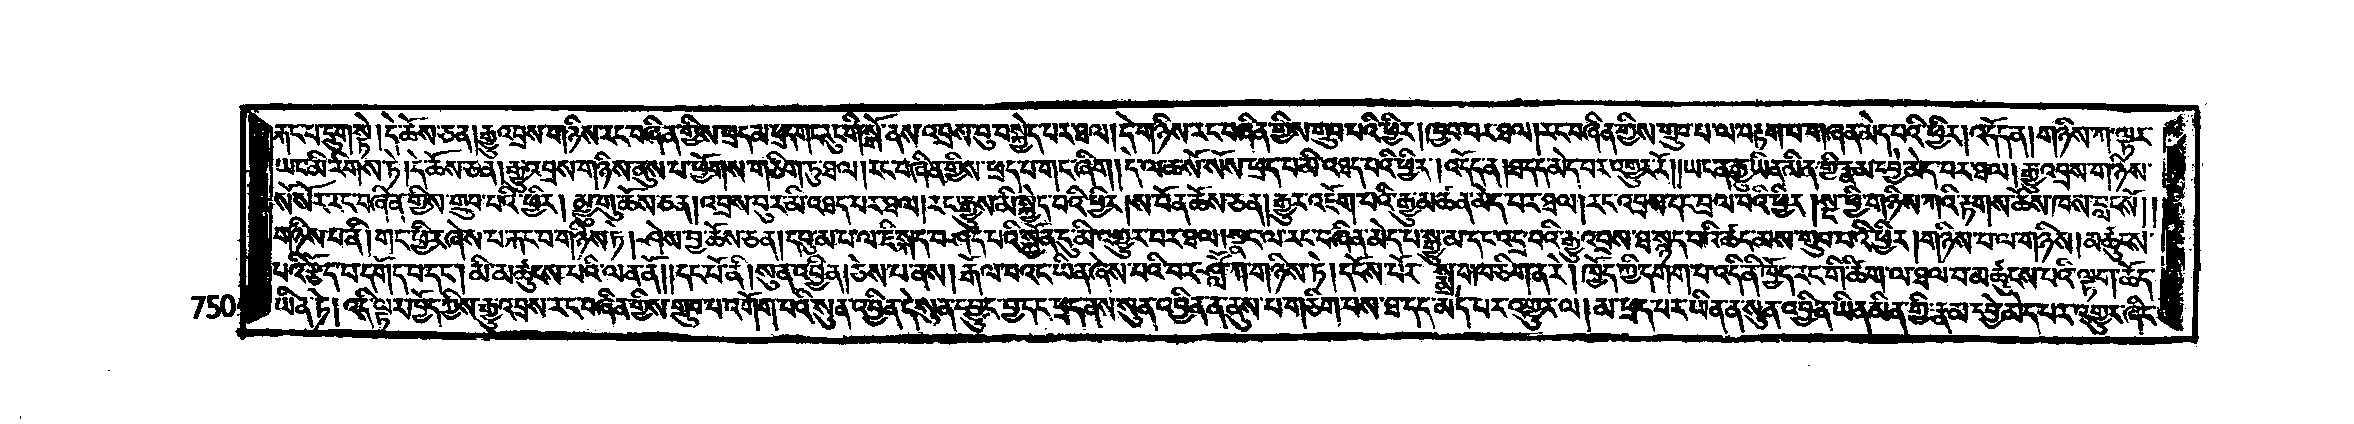རྐང་པ་དྲུག་སྟེ། དེ་ཆོས་ཅན། རྒྱུ་འབྲས་གཉིས་རང་བཞིན་གྱིས་ཕྲད་མ་ཕྲད་གང་རུང་གི་སྒོ་ནས་འབྲས་བུ་བསྐྱེད་པར་ཐལ། དེ་གཉིས་རང་བཞིན་གྱིས་གྲུབ་པའི་ཕྱིར། ཁྱབ་པར་ཐལ། རང་བཞིན་གྱིས་གྲུབ་པ་ལ་བརྟག་པ་གཞན་མེད་པའི་ཕྱིར། འདོད་ན། གཉིས་ཀ་ལྟར་
ཡང་མི་རིགས་ཏེ། དེ་ཆོས་ཅན། རྒྱུ་འབྲས་གཉིས་ནུས་པ་ཕྱོགས་གཅིག་ཏུ་ཐལ། རང་བཞིན་གྱིས་ཕྲད་པ་གང་ཞིག །དེ་ལ་ཆ་སོ་སོས་ཕྲད་པ་མི་འཐད་པའི་ཕྱིར། འདོད་ན། ཐ་དད་མེད་པར་འགྱུར་རོ། །ཡང་ན་རྒྱུ་ཡིན་མིན་གྱི་རྣམ་དབྱེ་མེད་པར་ཐལ། རྒྱུ་འབྲས་གཉིས་
སོ་སོར་རང་བཞིན་གྱིས་གྲུབ་པའི་ཕྱིར། མྱུ་གུ་ཆོས་ཅན། འབྲས་བུར་མི་འཐད་པར་ཐལ། རང་རྒྱུས་མི་སྐྱེད་པའི་ཕྱིར། ས་བོན་ཆོས་ཅན། རྒྱུར་འཇོག་པའི་རྒྱུ་མཚན་མེད་པར་ཐལ། རང་འབྲས་དང་བྲལ་བའི་ཕྱིར། སྔ་ཕྱི་གཉིས་ཀའི་རྟགས་ཆོས་ཁས་བླངས་སོ།།
གཉིས་པ་ནི། གང་ཕྱིར་ཞེས་པ་རྐང་པ་གཉིས་ཏེ། ཤེས་བྱ་ཆོས་ཅན། དབུ་མ་པ་ལ་ཇི་སྐད་བཤད་པའི་སྐྱོན་དུ་མི་འགྱུར་བར་ཐལ། སྣང་ལ་རང་བཞིན་མེད་པ་སྒྱུ་མ་དང་འདྲ་བའི་རྒྱུ་འབྲས་ཐ་སྙད་པའི་ཚད་མས་གྲུབ་པའི་ཕྱིར། གཉིས་པ་ལ་གཉིས། མཚུངས་
པའི་རྩོད་པ་དགོད་པ་དང་། མི་མཚུངས་པའི་ལན་ནོ། །དང་པོ་ནི། སུན་འབྱིན། ཅེས་པ་ནས། རྒོལ་བའང་ཡིན་ཞེས་པའི་བར་ཤླཽ་ཀ་གཉིས་ཏེ། དངོས་པོར་སྨྲ་བ་ཁ་ཅིག་ན་རེ། ཁྱོད་ཀྱི་དགག་པ་འདི་ནི་ཁྱོད་རང་གི་ཚིག་ལ་ཐལ་བ་མཚུངས་པའི་ལྟག་ཆོད་
ཡིན་ཏེ། འདི་ལྟར་ཁྱོད་ཀྱིས་རྒྱུ་འབྲས་རང་བཞིན་གྱིས་གྲུབ་པ་འགོག་པའི་སུན་འབྱིན་དེ་སུན་དབྱུང་བྱ་དང་ཕྲད་ནས་སུན་འབྱིན་ན་ནུས་པ་གཅིག་པས་ཐ་དད་མེད་པར་འགྱུར་ལ། མ་ཕྲད་པར་ཡིན་ན་སུན་འབྱིན་ཡིན་མིན་གྱི་རྣམ་དབྱེ་མེད་པར་འགྱུར་ཞིང་